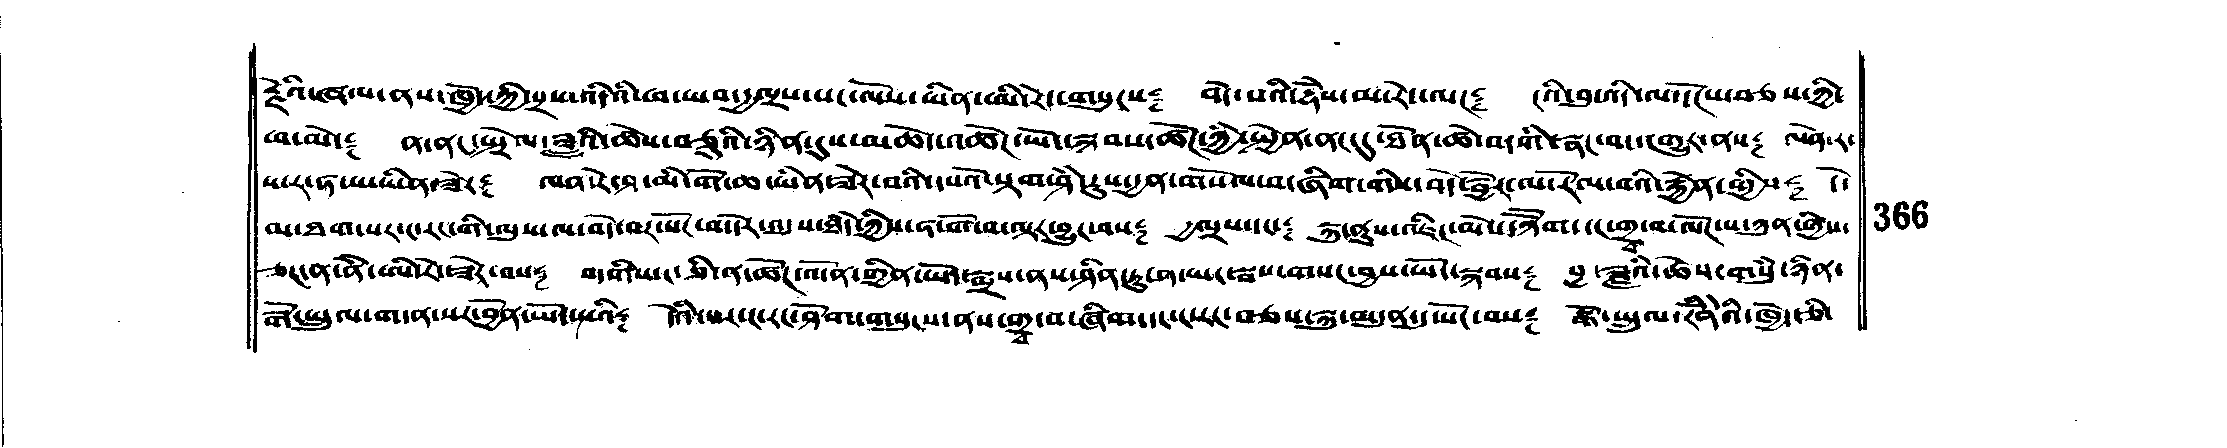རྗེའི་ཞལ་ནས་ཁྱོད་ཀྱི་སྲས་འདིའི་ཕ་ཡབ་རྒྱལ་སྲས་པ་ལོས་ཡིན་ཨི་རེད་གསུངས། བདེ་བའི་རྡོ་རྗེས་མ་རེད་ལགས། ངའི་བུ་འདི་ལ་དངོས་བཅས་ཀྱི་
ཕ་མེད། ན་ནང་སྤྲེལ་ཟླའི་ཚེས་བཅུའི་ཉིན་དུས་མཆོད་འཚོགས་ཡོད་སྐབས་ཚོགས་ཀྱི་སྤྱན་འདྲེན་ནང་དུ་ཐོན་ཚེ་བདག་གི་སྣང་བ་འགྱུར་ནས། ལེན་རེ་
ས་ར་ཧ་པ་ཡིན་ཟེར། ལན་རེ་ཤ་མི་གོ་ཆ་ཡིན་ཟེར་བའི་དཔའ་བོ་སྟག་ཤམ་རུས་རྒྱན་གསོལ་བ་ཞིག་གིས་བདེ་སྦྱོར་ལ་རོལ་བའི་རྐྱེན་གྱིས། དེ་
མ་ཐག་པར་ང་རང་གི་ལུས་ལ་བདེ་བར་སོང་བ་དེར་འདུས་ཐམས་ཅད་ཀྱིས་ཧ་གོ་བ་ལྟར་བྱུང་བས། རྒྱལ་སྲས་དང་། སྐུ་ནུས་འཇིགས་མེད་དཀོན་མཆོག་དང་གྲྭ་པ་ལ་སོགས་པ་ཀུན་གྱིས་
ཅང་ན་ནི་ཨི་རེད་ཟེར་བས། བདག་གིས་ང་ཅི་ན། ཚོགས་འདོན་གྱིན་ཡོད་སྨྲས་ནས་ཤིན་ཏུ་ན་ཡང་སྦས་གསང་བྱས་ཡོད་སྐབས། བྱ་ཟླའི་ཚེས་གསུམ་ཉིན་
སྒོ་སྤྲུལ་གདན་སར་བྱོན་ཡོད་པའི། དེའི་སར་ང་རང་ཤོག་གསུངས་ནས་གྲྭ་པ་ཞིག་དང་ང་རང་བཅས་སྐུ་མདུན་དུ་སོང་བས། སྒོ་སྤྲུལ་རིན་པོ་ཆེས་ཁྱོད་ཅི་